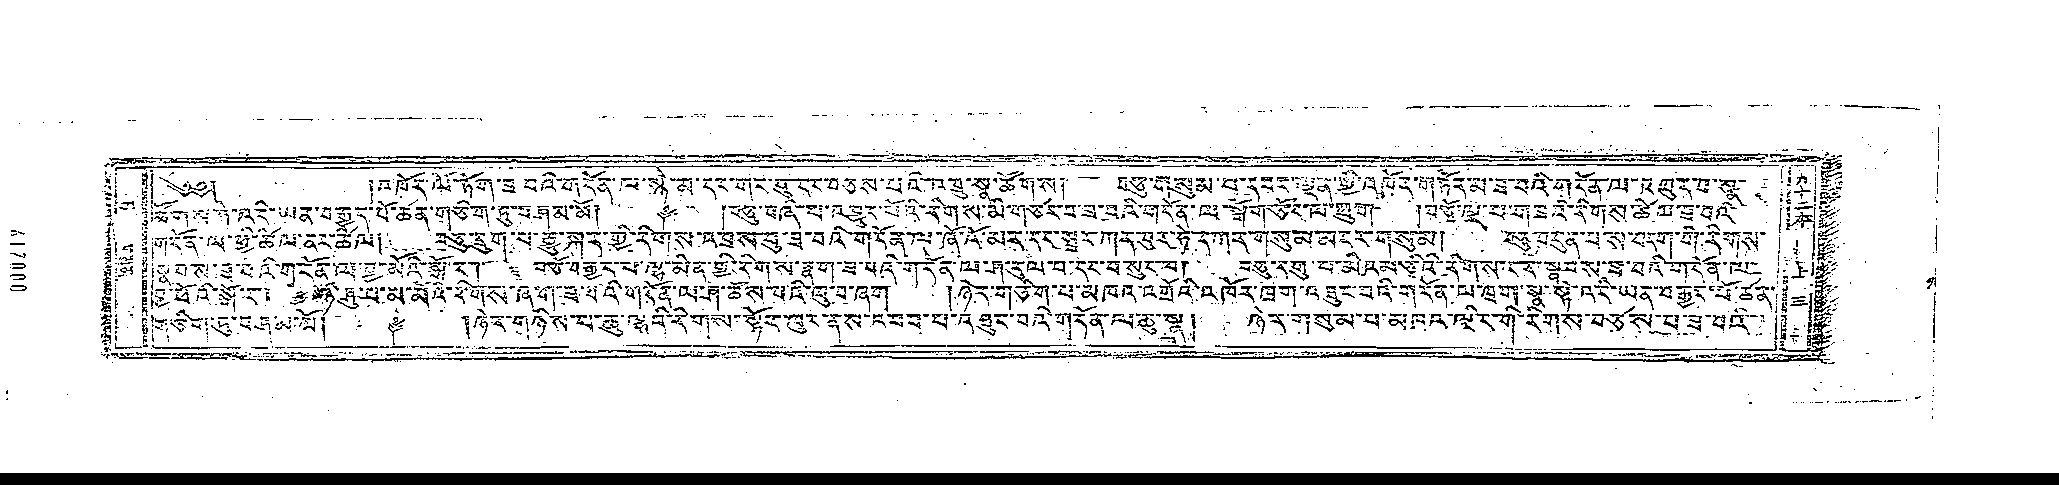༄༅། །འཁོར་ལོ་ཏོག་ཟ་བའི་གདོན་ལ་སྙེ་མ་དང་གང་བུ་དང་བཅས་པའི་འབྲུ་སྣ་ཚོགས། བཅུ་གསུམ་པ་དབང་ལྡན་གྱི་འཁོར་གཏོར་མ་ཟ་བའི་གདོན་ལ་འཁུར་བ་སྣ་
ཚོགས་ཏེ་འདི་ཡན་བརྒྱད་པོ་ཚན་གཅིག་ཏུ་བཤམ་མོ། ༈ །བཅུ་བཞི་པ་འབྱུང་པོའི་རིགས་མི་གཙང་བ་ཟ་བའི་གདོན་ལ་སྒོག་ཙོང་ལ་ཕུག །བཅྭོ་ལྔ་པ་གཟའི་རིགས་ཚིལ་ཟ་བའི་
གདོན་ལ་ཕྱི་ཚིལ་ནད་ཚིལ། བཅུ་དྲུག་བ་རྐྱུ་སྐར་གྱི་རིགས་འབྲས་བུ་ཟ་བའི་གདོན་ལ་ཞོ་འོ་མར་དང་སྦྲད་ཀར་བུ་རཾ་ཏེ་དཀར་གསུམ་མང་ར་གསུམ། བཅུ་བདུན་པ་ས་བདག་གི་རིགས་
སྣབས་ཟ་བའི་གདོན་ལ་བྱ་མོའི་སྒོ་ང་། བཅོ་བརྒྱད་པ་ལྷ་མིན་ཀྱི་རིགས་རང་ཟ་བའི་གདོན་ལ་ཤ་རུ་ལ་བ་དང་བསུང་བ། བཅུ་དགུ་པ་མིའམ་ཅིའི་རིགས་དར་སྣབས་ཟ་བའི་གདོན་ལ་
བྱ་ཕོའི་སྒོང་། ཉི་ཤུ་པ་མ་མོའི་རིགས་ཞག་ཟ་བའི་གདོན་ལ་ཤ་ཚོས་བའི་ཁུ་བ་ཞག །ཉེར་གཅིག་པ་མཁའ་འགྲོའི་འཁོར་ཁྲག་འཐུང་བའི་གདོན་ལ་ཁྲག་སྣ་སྟེ་འདི་ཡན་བརྒྱད་པོ་ཚན་
གཅིག་ཏུ་བཤམ་མོ། ༈ །ཉེར་གཉིས་པ་ཆུ་ལྷའི་རིགས་སྟོར་ཁུང་ནས་འབབ་པ་འཐུང་པའི་གདོན་ལ་ཆུ་སྣ། ཉེར་གསུམ་བ་མཁའ་ལྡིང་ཤི་རིགས་བཙས་པ་ཟ་བའི་